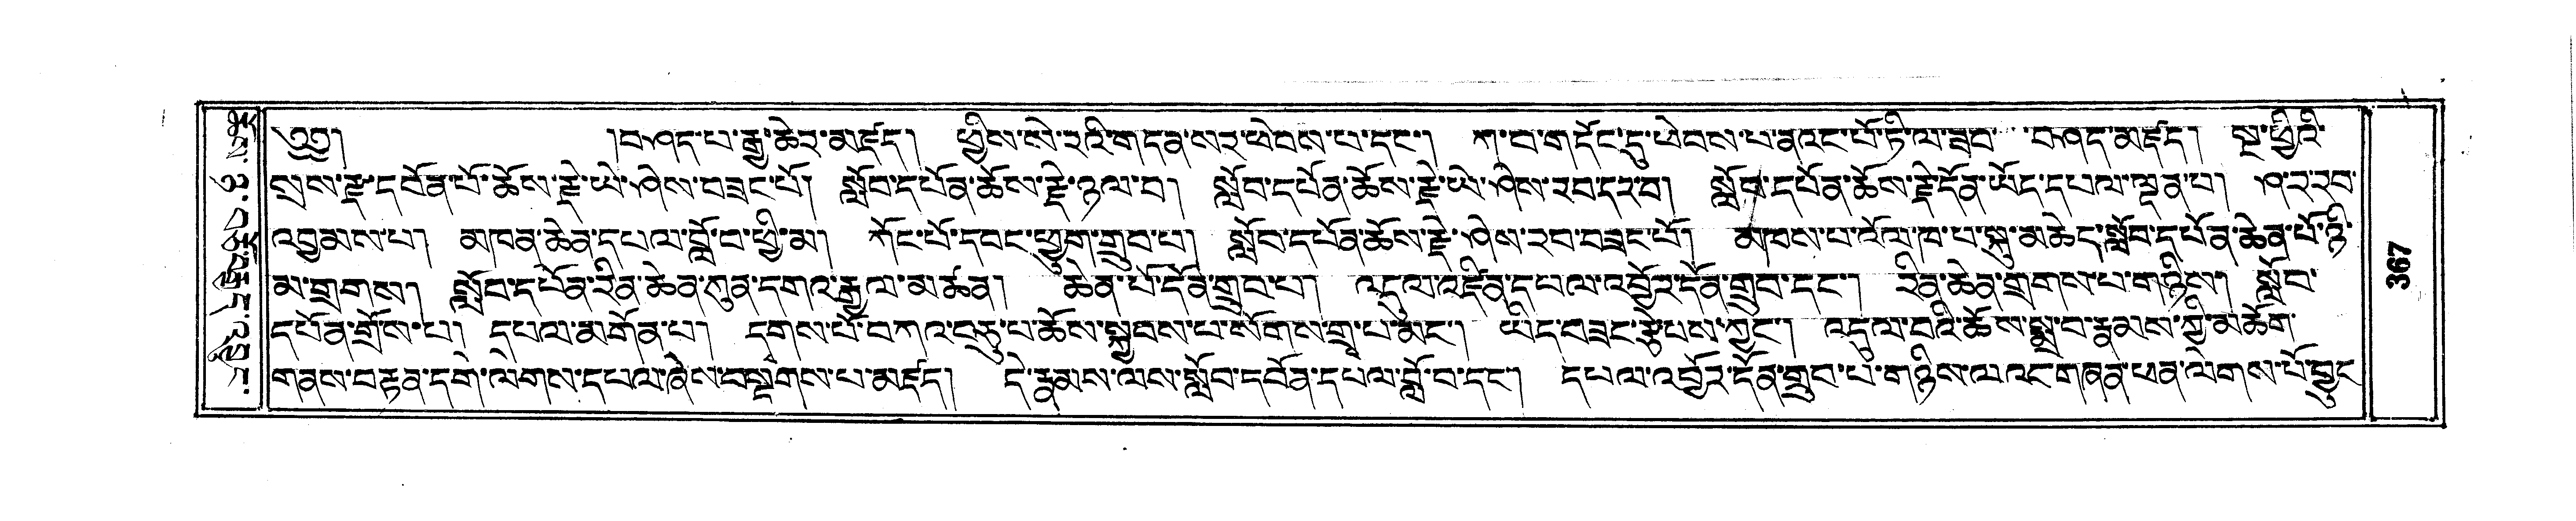༄༅། །བཤད་པ་རྒྱ་ཆེར་མཛད། ཕྱིས་སེ་རའི་གདན་སར་ཕེབས་པ་དང་། ཀ་བ་གདོང་དུ་ཕེབས་པ་ནའང་པོ་ཏི་ལ་ཟབ་བ་བཤད་མཛད། སྔ་ཕྱིའི་
སྲས་རྫ་དབོན་པོ་ཆོས་རྗེ་ཡེ་ཤེས་བཟང་པོ། སློབ་དཔོན་ཆོས་རྗེ་ཉལ་བ། སློབ་དཔོན་ཆོས་རྗེ་ཡེ་ཤེས་རབ་དར་བ། སློབ་དཔོན་ཆོས་རྗེ་དོན་ཡོད་དཔལ་ལྡན་པ། ཤ་ར་རབ་
འབྱམས་པ། མཁན་ཆེན་དཔལ་བློ་བ་ཕྱི་མ། ཀོང་པོ་དབང་ཕྱུག་གྲུབ་པ། སློབ་དཔོན་ཆོས་རྗེ་ཤེས་རབ་བཟང་པོ། མཁས་པ་འོལ་ཁ་པ་སྐུ་མཆེད་སློབ་དཔོན་ཆེན་པོ་ཉི་
མ་གྲགས། སློབ་དཔོན་རིན་ཆེན་ཀུན་དགའ་རྒྱལ་མཚན། ཆེན་པོ་དོན་གྲུབ་པ། འདུལ་འཛིན་དཔལ་འབྱོར་དོན་གྲུབ་དང་། རིན་ཆེན་གྲགས་པ་གཉིས། སློབ་
དཔོན་གྲོས་པ། དཔལ་མགོན་པ། དྭགས་པོ་བཀའ་བཅུ་པ་ཆོས་སྐྱབས་པ་སོགས་གྲྭཱ་པ་མང་། ཡིད་བཟང་རྩེ་པས་ཀྱང་། འདུལ་བའི་ཆོས་སྨྲ་བ་རྣམས་ཀྱི་མཆོག་
གནས་བརྟན་དགེ་ལེགས་དཔལ་ཞེས་བསྔགས་པ་མཛད། དེ་རྣམས་ལས་སློབ་དཔོན་དཔལ་བློ་བ་དང་། དཔལ་འབྱོར་དོན་གྲུབ་པ་གཉིས་ལའང་གཞན་ཕན་ལེགས་པོ་བྱུང་